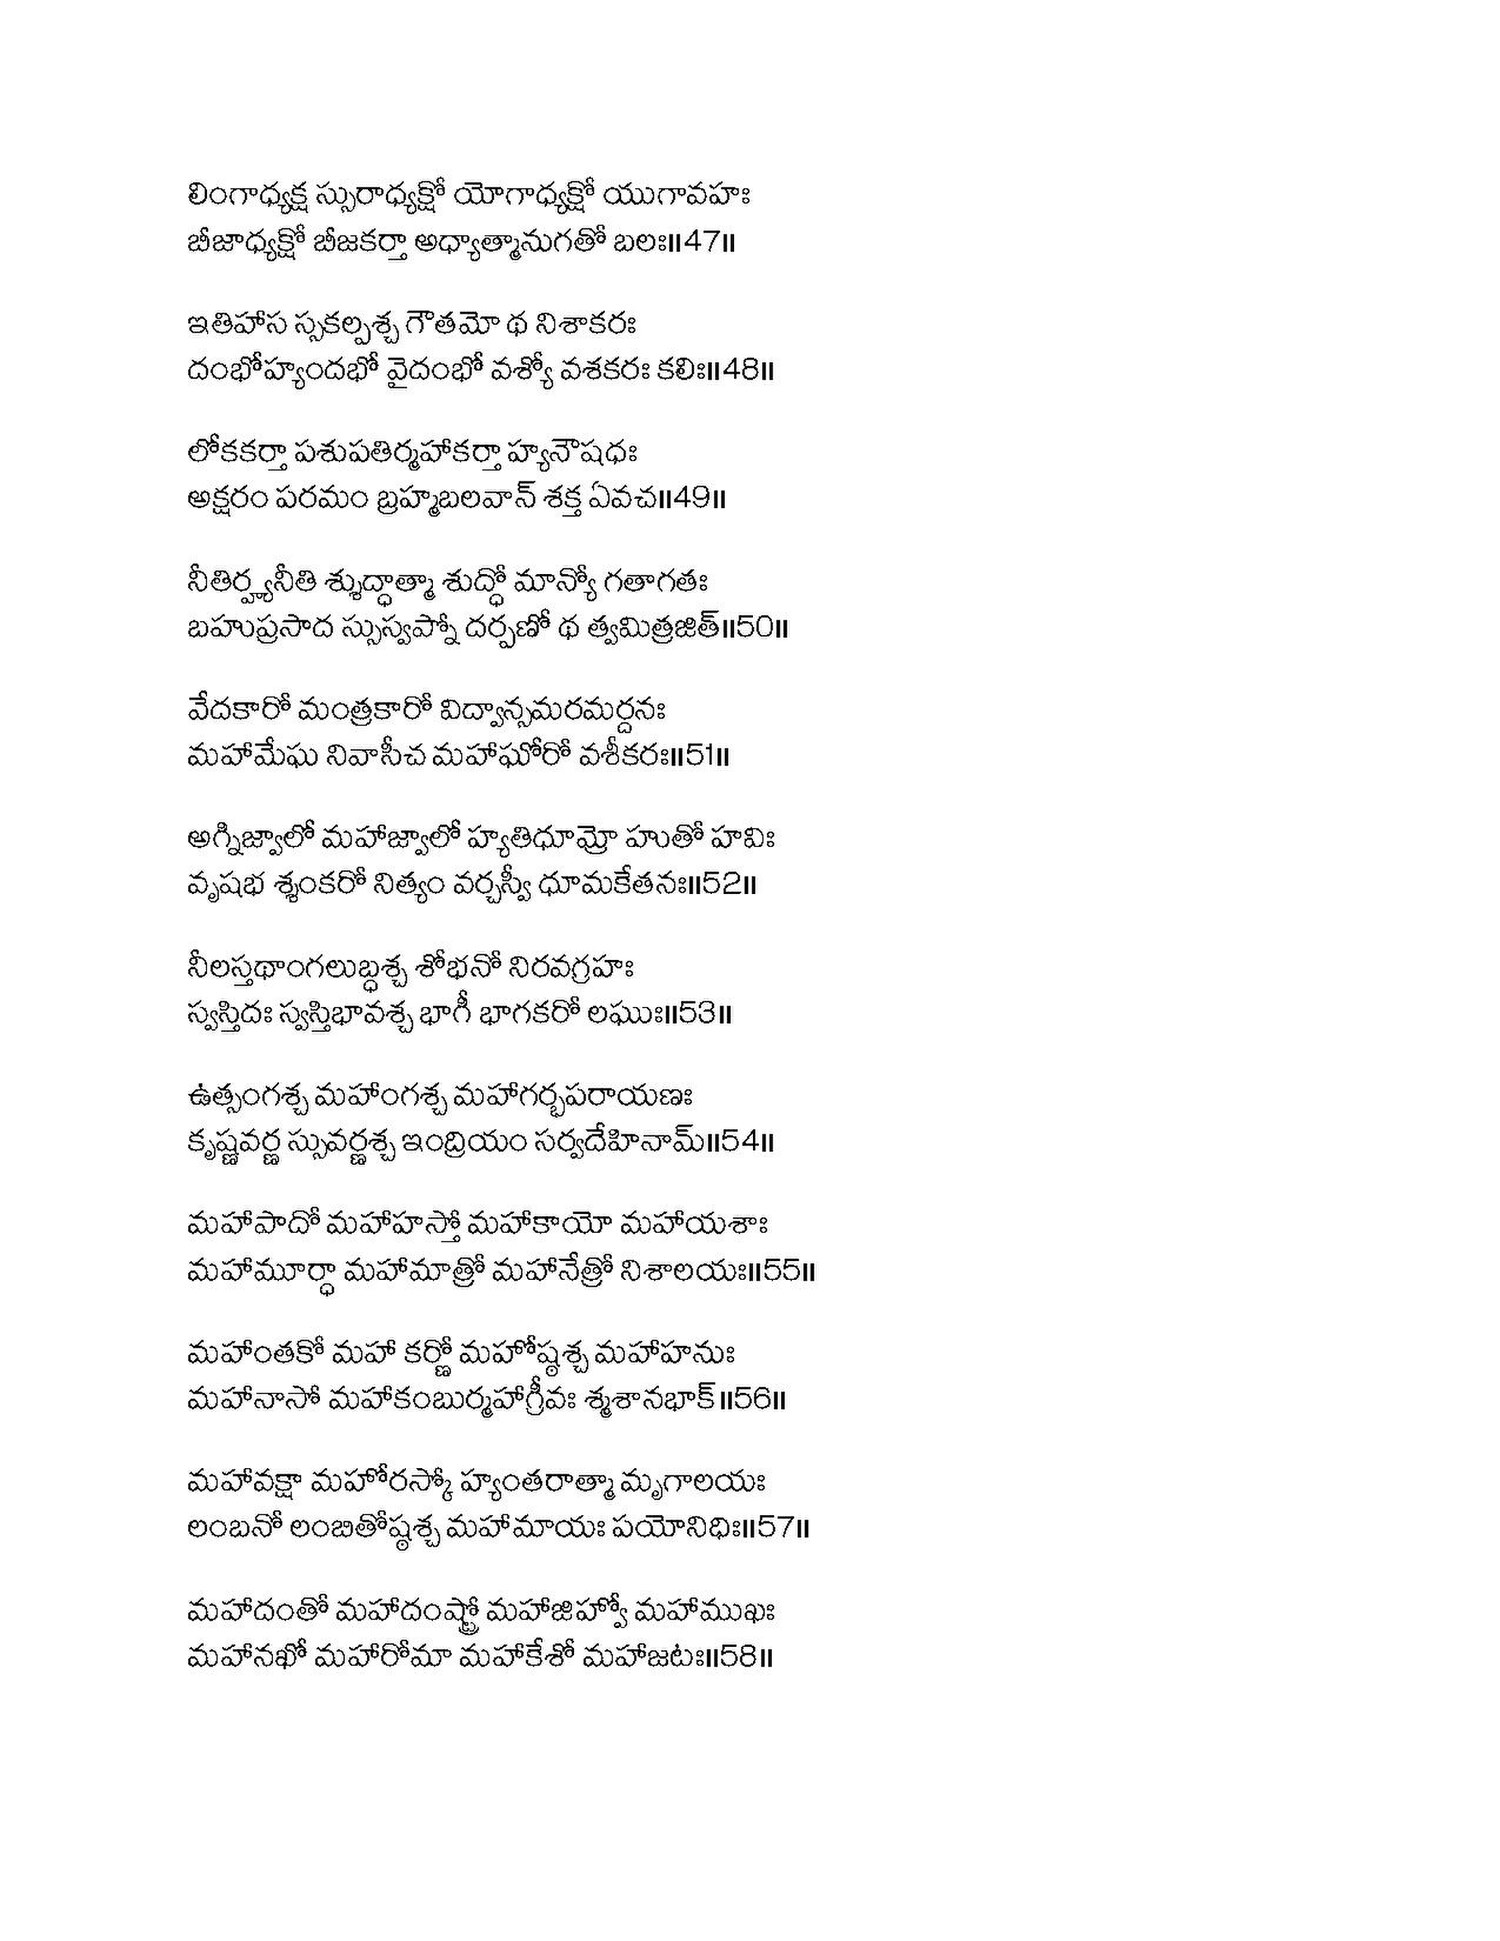లింగాధ్యక్ష స్సురాధ్యక్షో యోగాధ్యక్షో యుగావహః
బీజాధ్యక్షో బీజకర్తా అధ్యాత్మానుగతో బలః||47||

ఇతిహాస స్సకల్పశ్చ గౌతమోథ నిశాకరః
దంభోహ్యందభో వైదంభో వశ్యో వశకరః కలిః||48||

లోకకర్తా పశుపతిర్మహాకర్తా హ్యనౌషధః
అక్షరం పరమం బ్రహ్మబలవాన్ శక్త ఏవచ ||49||

నీతిర్హ్యనీతి శ్శుద్ధాత్మా శుద్ధే మాన్యో గతాగతః
బహుప్రసాద స్సుస్వప్నో దర్పణోథ త్వమిత్రజిత్ ||50||

వేదకారో మంత్రకారో విద్వాన్సమరమర్దనః
మహామేఘ నివాసీచమహాఘోరో వశీకరః||51||

అగ్నిజ్వాలో మహాజ్వాలో హ్యతిధూమ్రో హుతో హవిః
వృషభ శ్శంకరో నిత్యం వర్చస్వీ ధూమకేతనః||52||

నీలస్తథాంగలుబ్ధశ్చ శోభనో నిరవగ్రహః
స్వస్తిదః స్వస్తిభావశ్చ భారీ భాగకరో లఘుః||53||

ఉత్సంగశ్చ మహాంగశ్చ మహాగర్భపరాయణః
కృష్ణవర్ణ స్సువర్ణశ్చ ఇంద్రియం సర్వదేహినామ్ ||54||

మహాపాదో మహాహస్తో మహాకాయో మహాయశాః
మహామూర్ధా మహామాత్రో మహానేత్రో నిశాలయః||55||

మహాంతకో మహా కర్ణో మహోష్ఠశ్చ మహాహనుః
మహానాసో మహాకంబుర్మహాగ్రీవః శ్మశానభాక్ ||56||

మహావక్షా మహోరస్కో హ్యంతరాత్మా మృగాలయః
లంబనో లంబతోష్ఠశ్చ మహామాయః పయోనిధిః||57||

మహాదంతో మహాదంష్ణ్రో మహాజిహ్వా మహాముఖః
మహానఖో మహారోమా మహాకేశో మహాజటః ||58||